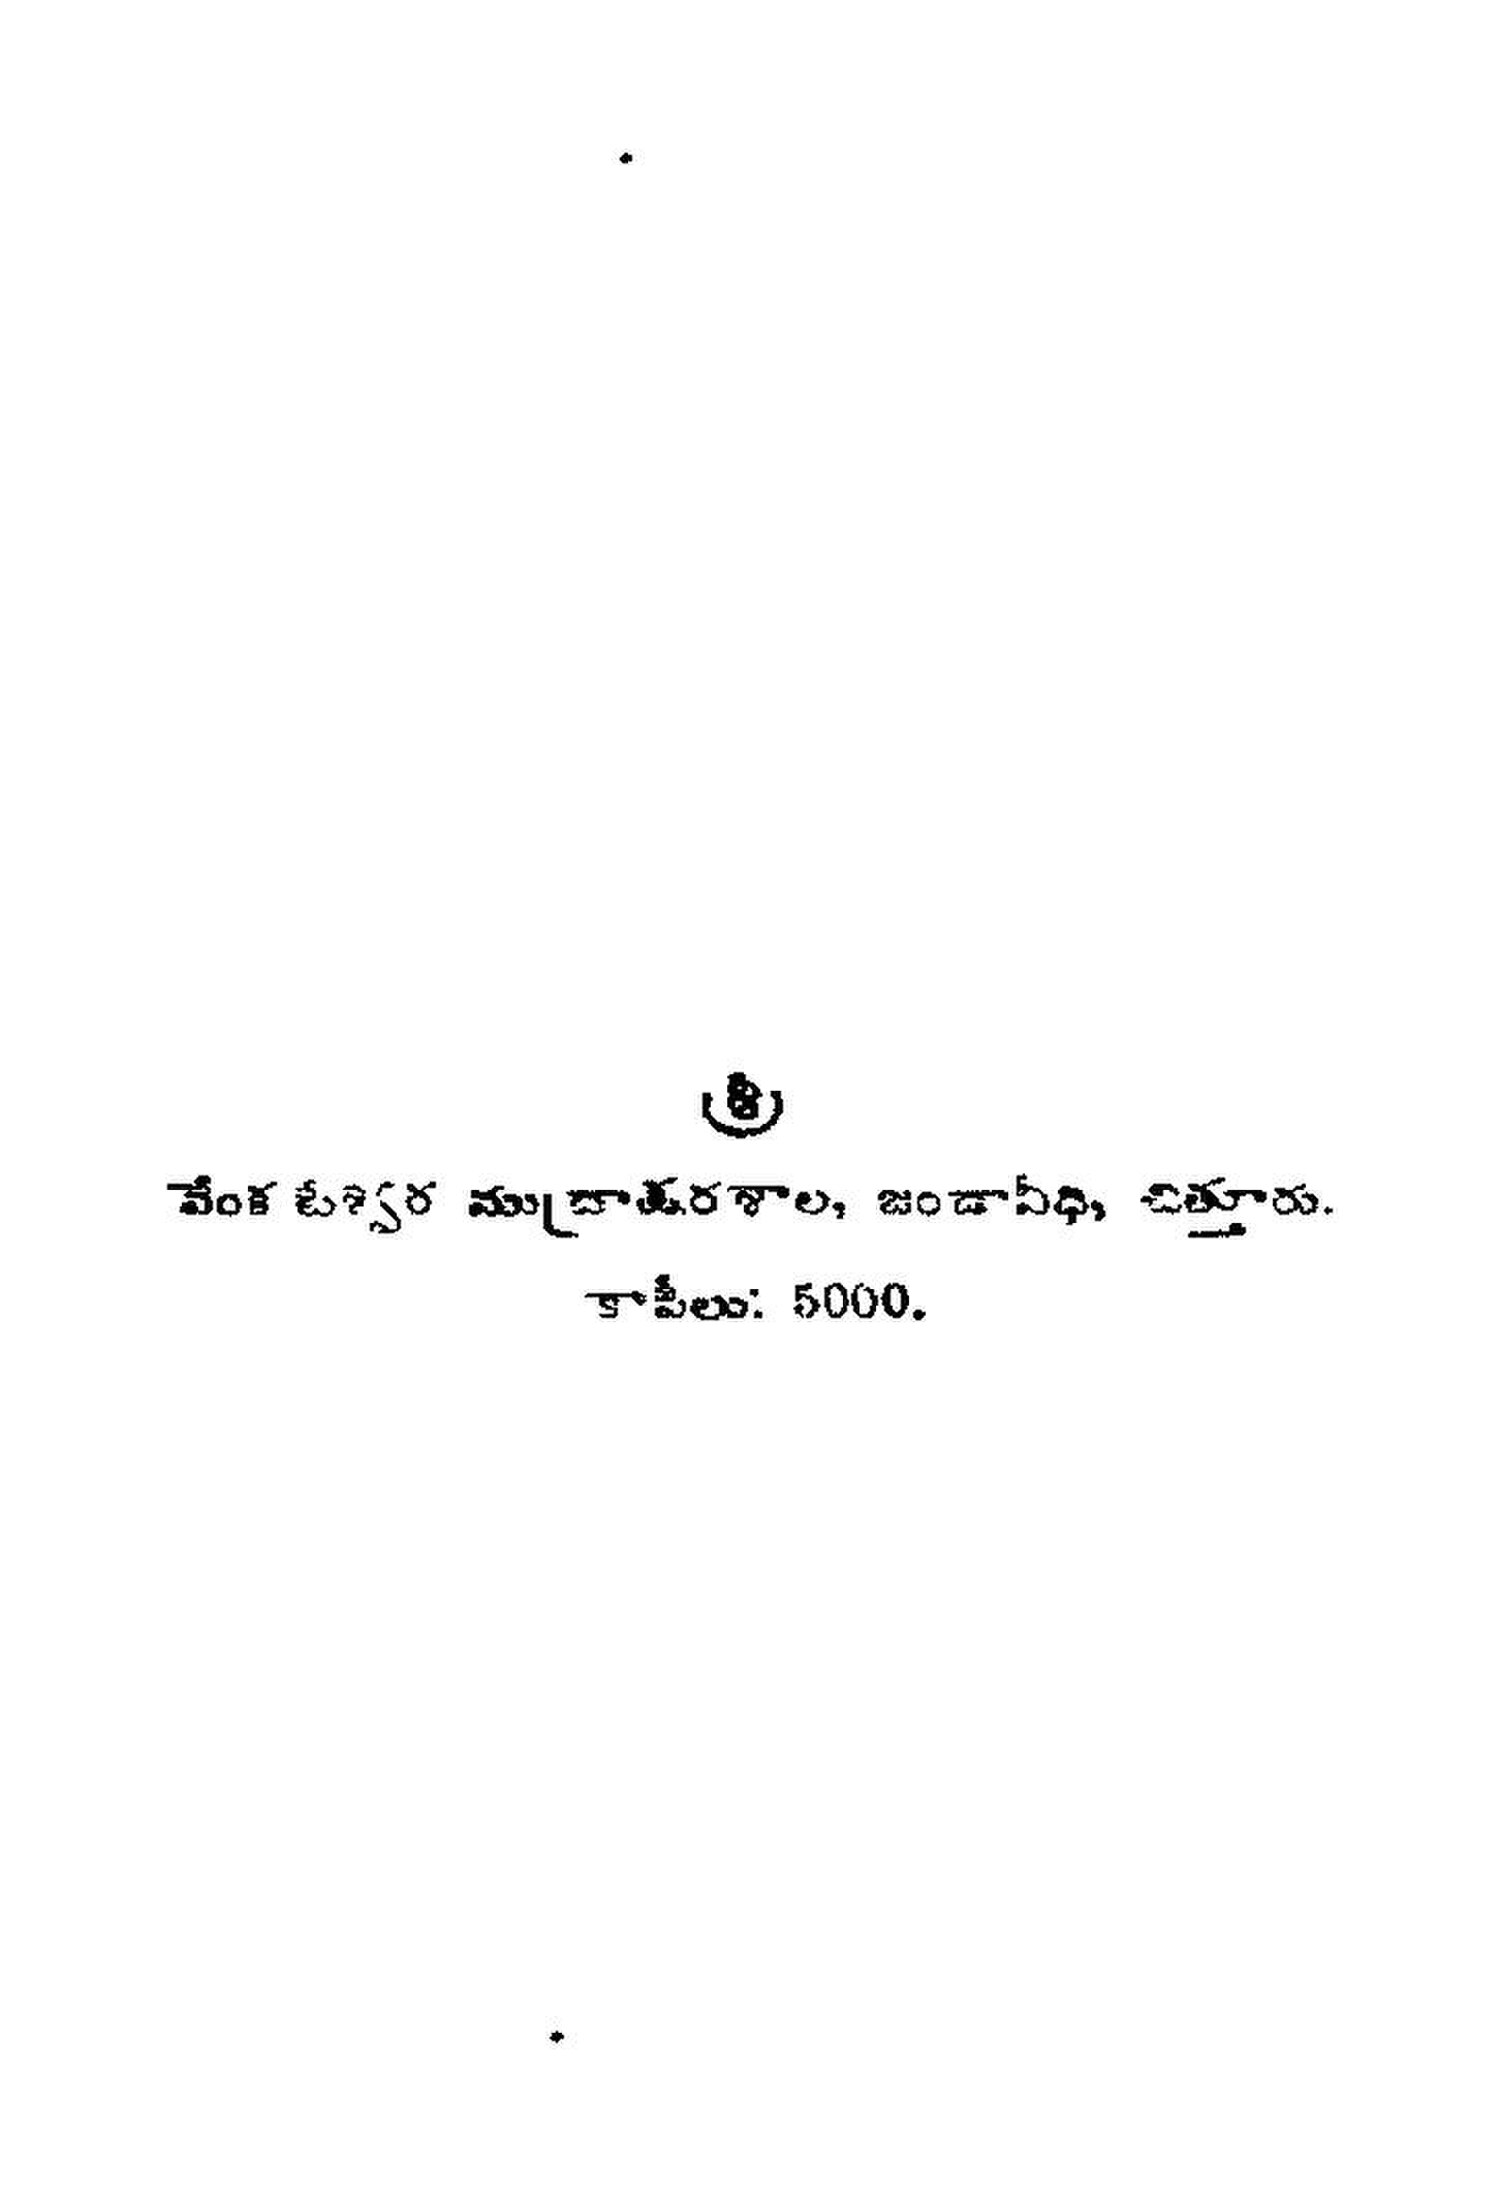శ్రీ
వేంకటేశ్వర ముద్రాక్షరశాల, జండావీధి, చిత్తూరు.
కాపీలు: 5000